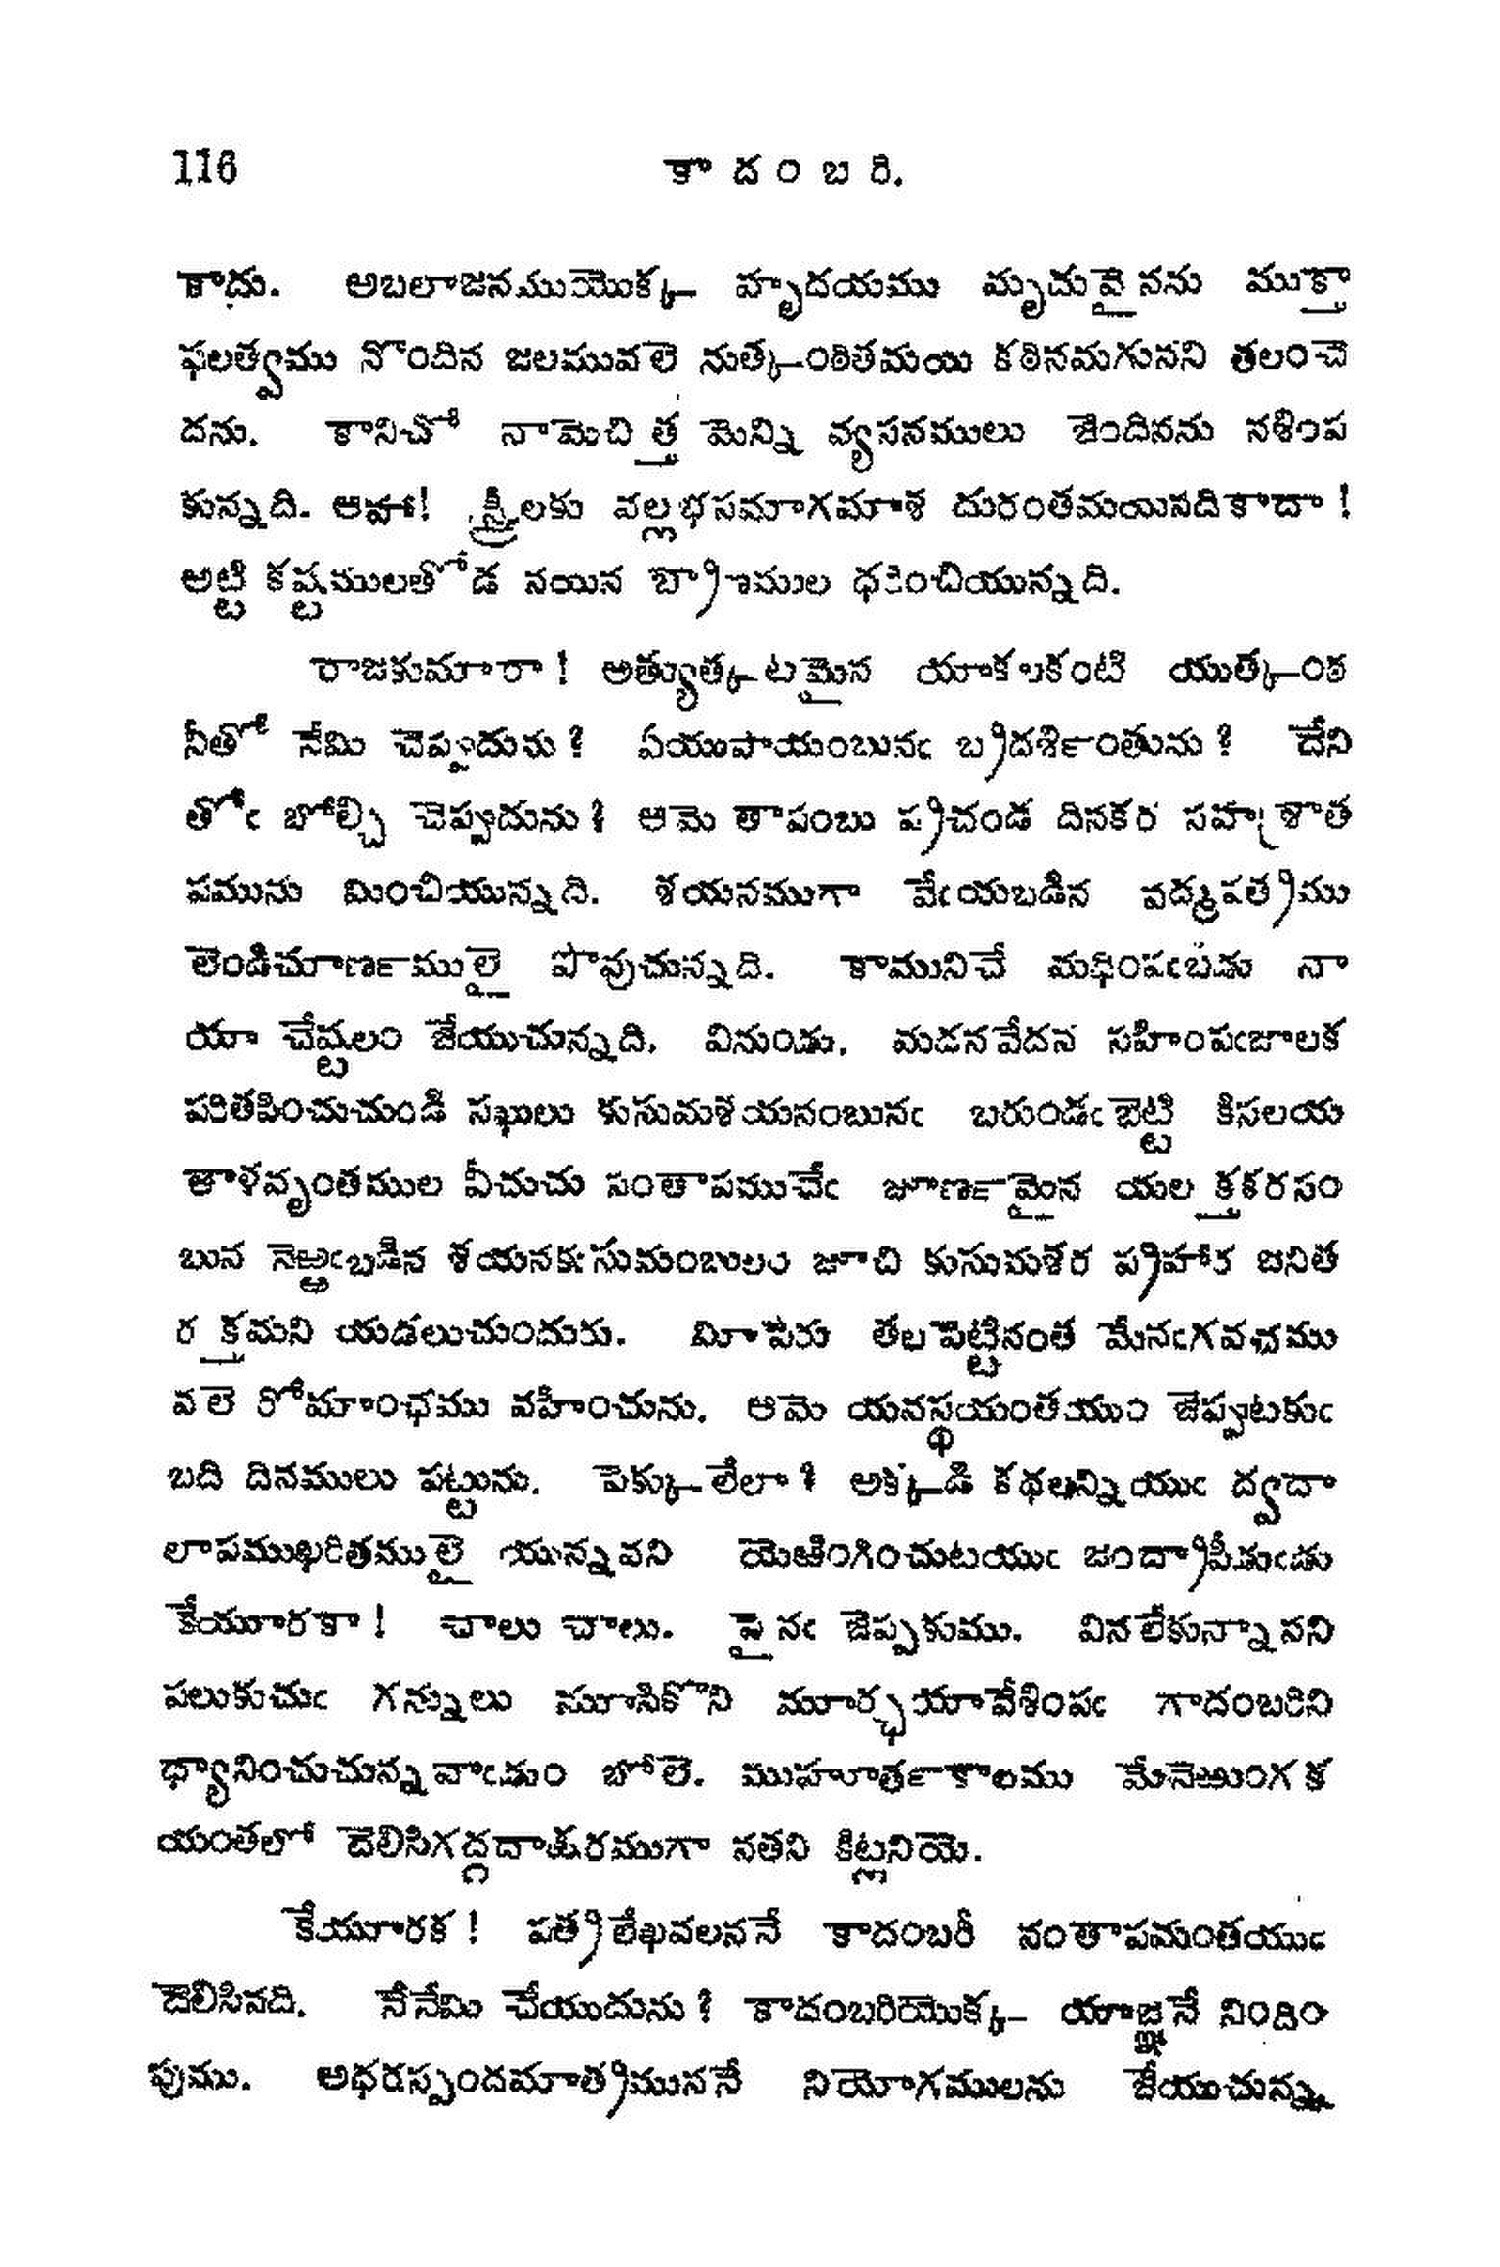కాదు. అబలాజనముయొక్క హృదయము మృదువైనను ముక్తాఫలత్వము నొందిన జలమువలె నుత్కంఠితమయి కఠినమగునని తలంచెదను. కానిచో నామెచిత్త మెన్ని వ్యసనములు జెందినను నశింపకున్నది. ఆహా! స్త్రీలకు వల్లభసమాగమాశ దురంతమయినదికాదా! అట్టి కష్టములతోడ నయిన బ్రాణముల ధరించియున్నది.

రాజకుమారా! అత్యుత్కటమైన యాకలకంటి యుత్కంఠ నీతో నేమి చెప్పుదును? ఏయుపాయంబునఁ బ్రదశి౯ంతును? దేనితోఁ బోల్చి చెప్పుదును? ఆమె తాపంబు ప్రచండ దినకర సహశ్రాతపమును మించియున్నది. శయనముగా వేఁయబడిన పద్మపత్రము లెండిచూణ౯ములై పోవుచున్నది. కామునిచే మధింపఁబడు నా యా చేష్టలం జేయుచున్నది. వినుండు మదనవేదన సహింపఁజాలక పరితపించుచుండి సఖులు కుసుమశయనంబునఁ బరుండఁబెట్టి కిసలయ తాళవృంతముల వీచుచు సంతాపముచేఁ జూణ౯మైన యలక్తకరసంబున నెఱ్ఱఁబడిన శయనకుసుమంబులం జూచి కుసుమశర ప్రహార జనిత రక్తమని యడలుచుందురు. మీపేరు తలపెట్టినంత మేనఁగవచమువలె రోమాంఛము వహించును. ఆమె యవస్థయంతయుం జెప్పుటకుఁ బది దినములు పట్టును. పెక్కులేలా? అక్కడి కథలన్నియుఁ ద్వదాలాపముఖరితములై యున్నవని యెఱింగించుటయుఁ జంద్రాపీడుఁడు కేయూరకా! చాలు చాలు. పైనఁ జెప్పకుము. వినలేకున్నానని పలుకుచుఁ గన్నులు మూసికొని మూర్ఛయావేశింపఁ గాదంబరిని ధ్యానించుచున్నవాఁడుం బోలె. ముహూత౯కాలము మేనెఱుంగక యంతలో దెలిసిగద్గదాక్షరముగా నతని కిట్లనియె.

కేయూరక! పత్రలేఖవలననే కాదంబరీ సంతాపమంతయుఁ దెలిసినది. నేనేమి చేయుదును? కాదంబరియొక్క యాజ్ఞనే నిందింపుము. అధరస్పందమాత్రముననే నియోగములను జేయుచున్న